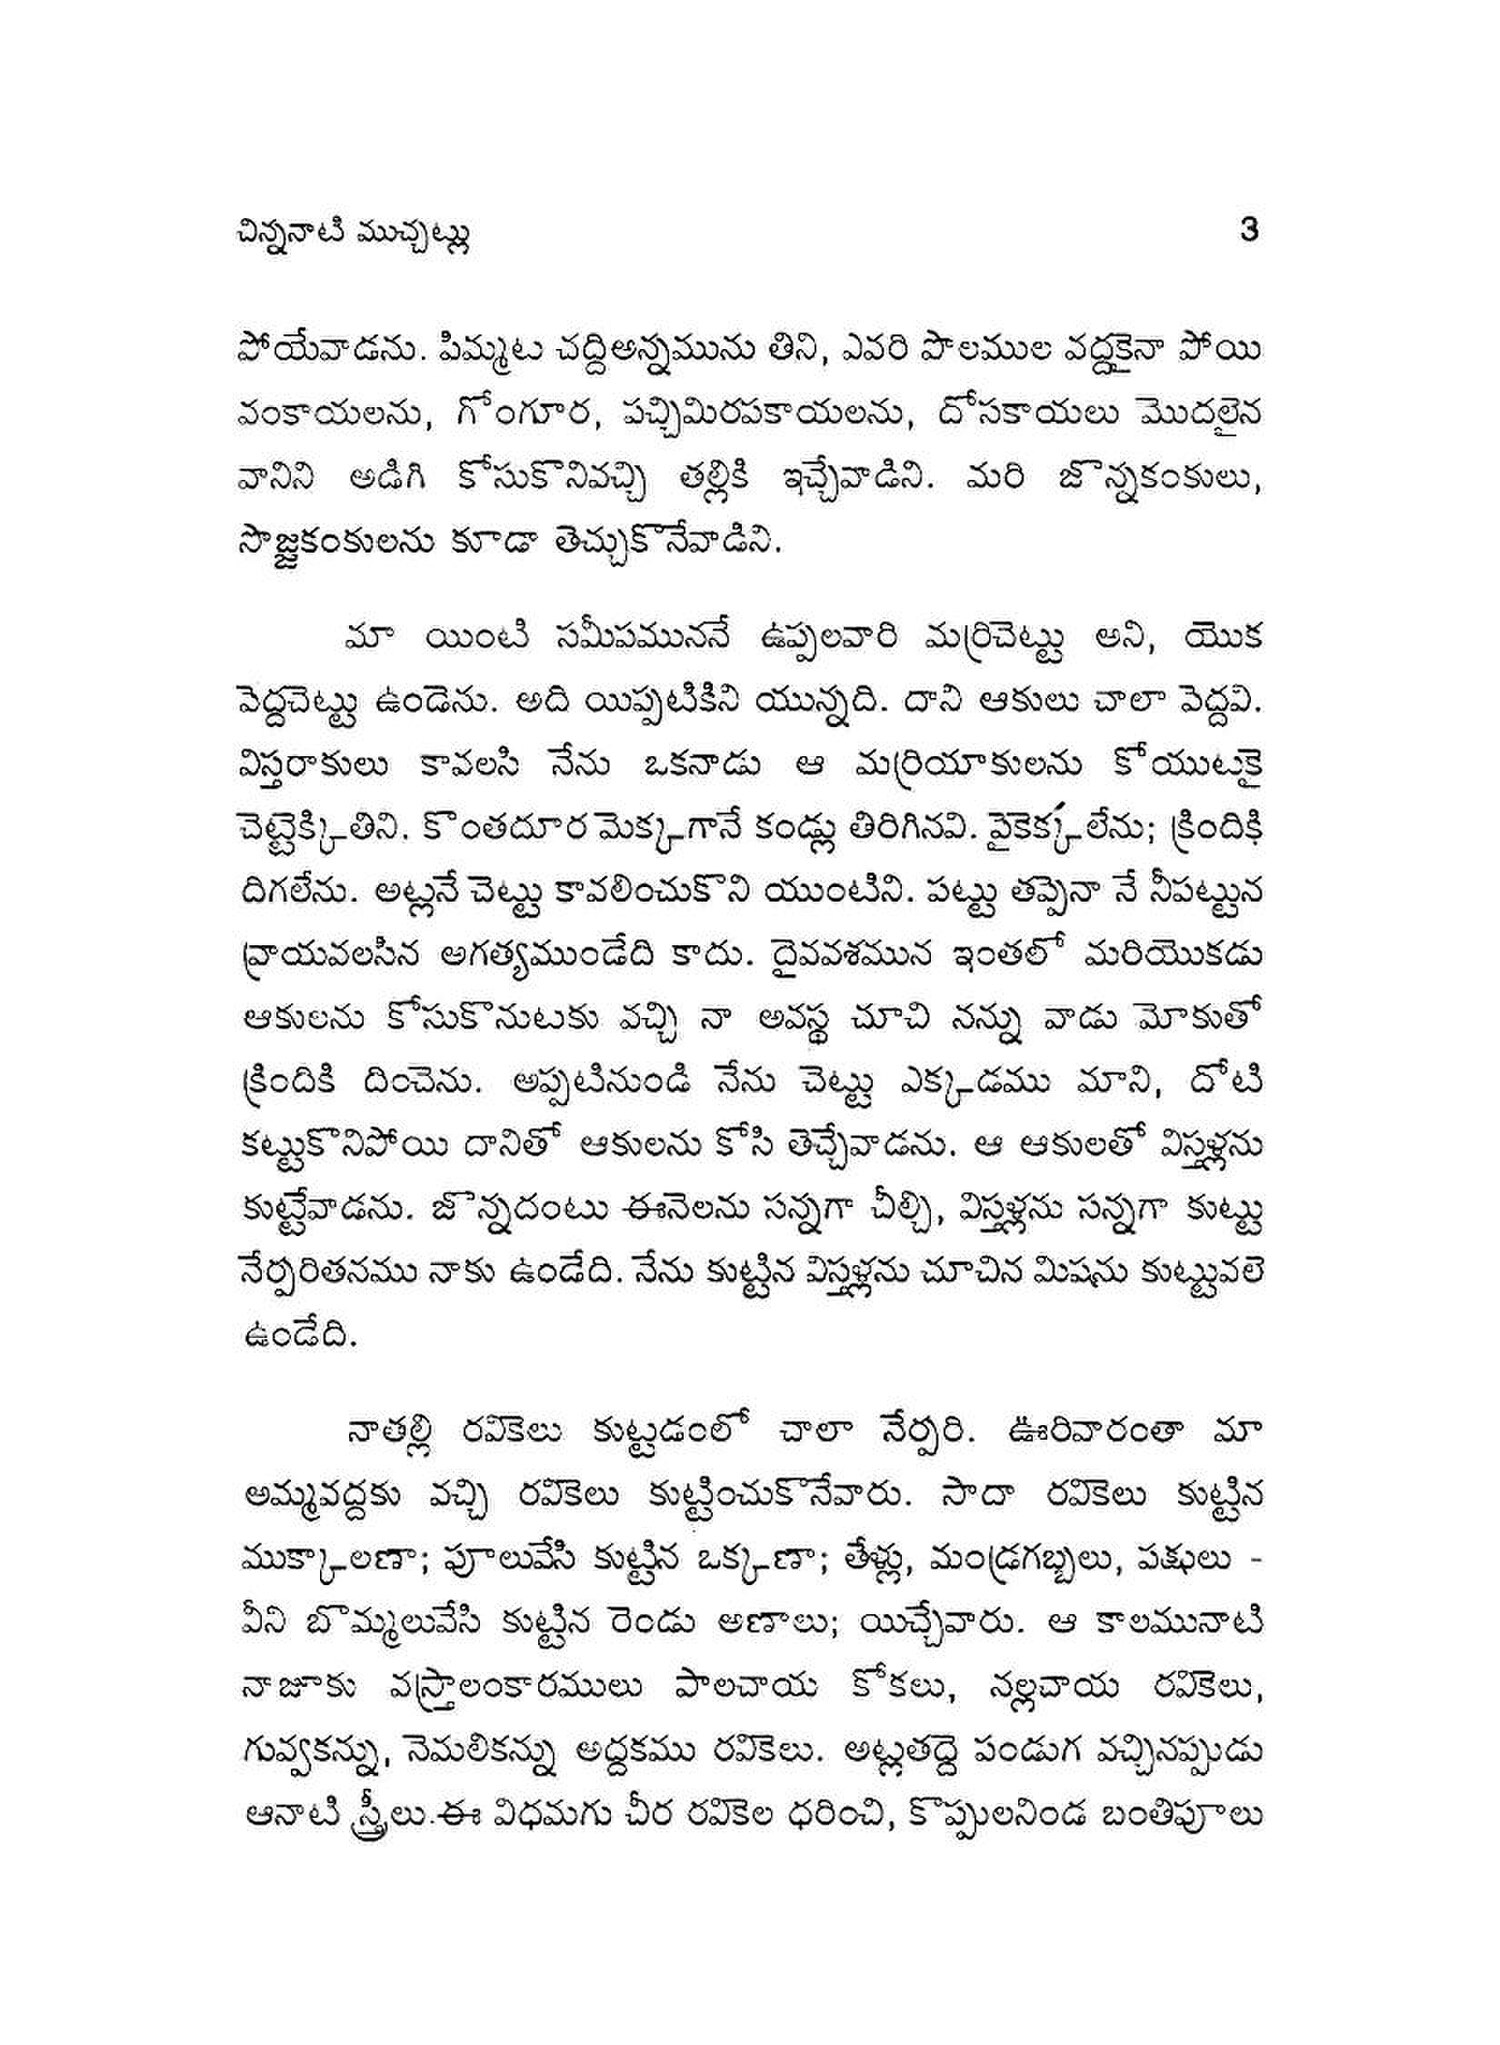పోయేవాడను. పిమ్మట చద్దిఅన్నమును తిని, ఎవరి పొలముల వద్దకైనా పోయి వంకాయలను, గోంగూర, పచ్చిమిరపకాయలను, దోసకాయలు మొదలైన వానిని అడిగి కోసుకొనివచ్చి తల్లికి ఇచ్చేవాడిని. మరి జొన్నకంకులు, సొజ్జకంకులను కూడా తెచ్చుకొనేవాడిని.

మా యింటి సమీపముననే ఉప్పలవారి మర్రిచెట్టు అని, యొక పెద్దచెట్టు ఉండెను. అది యిప్పటికిని యున్నది. దాని ఆకులు చాలా పెద్దవి. విస్తరాకులు కావలసి నేను ఒకనాడు ఆ మర్రియాకులను కోయుటకై చెట్టెక్కితిని. కొంతదూరమెక్కగానే కండ్లు తిరిగినవి. పైకెక్కలేను; క్రిందికి దిగలేను. అట్లనే చెట్టు కావలించుకొని యుంటిని. పట్టు తప్పెనా నీపట్టున వ్రాయవలసిన అగత్యముండేది కాదు. దైవవశమున ఇంతలో మరియొకడు ఆకులను కోసుకొనుటకు వచ్చి నా అవస్థ చూచి నన్ను వాడు మోకుతో క్రిందికి దించెను. అప్పటినుండి నేను చెట్టు ఎక్కడము మాని, దోటి కట్టుకొనిపోయి దానితో ఆకులను కోసి తెచ్చేవాడను. ఆ ఆకులతో విస్తళ్లను కుట్టేవాడను. జొన్నదంటు ఈనెలను సన్నగా చీల్చి, విస్తళ్లను సన్నగా కుట్టు నేర్పరితనము నాకు ఉండేది. నేను కుట్టిన విస్తళ్లను చూచిన మిషను కుట్టువలె ఉండేది.

నాతల్లి రవికెలు కుట్టడంలో చాలా నేర్పరి. ఊరివారంతా మా అమ్మవద్దకు వచ్చి రవికెలు కుట్టించుకొనేవారు. సాదా రవికెలు కుట్టిన ముక్కాలణా; పూలువేసి కుట్టిన ఒక్కణా; తేళ్లు, మండ్రగబ్బలు, పక్షులు - వీని బొమ్మలువేసి కుట్టిన రెండు అణాలు; యిచ్చేవారు. ఆ కాలమునాటి నాజూకు వస్తాలంకారములు పాలచాయ కోకలు, నల్లచాయ రవికెలు, గువ్వకన్ను, నెమలికన్ను అద్దకము రవికెలు. అట్లతద్దె పండుగ వచ్చినప్పడు ఆనాటి స్త్రీలు, ఈ విధమగు చీర రవికెల ధరించి, కొప్పలనిండ బంతిపూలు